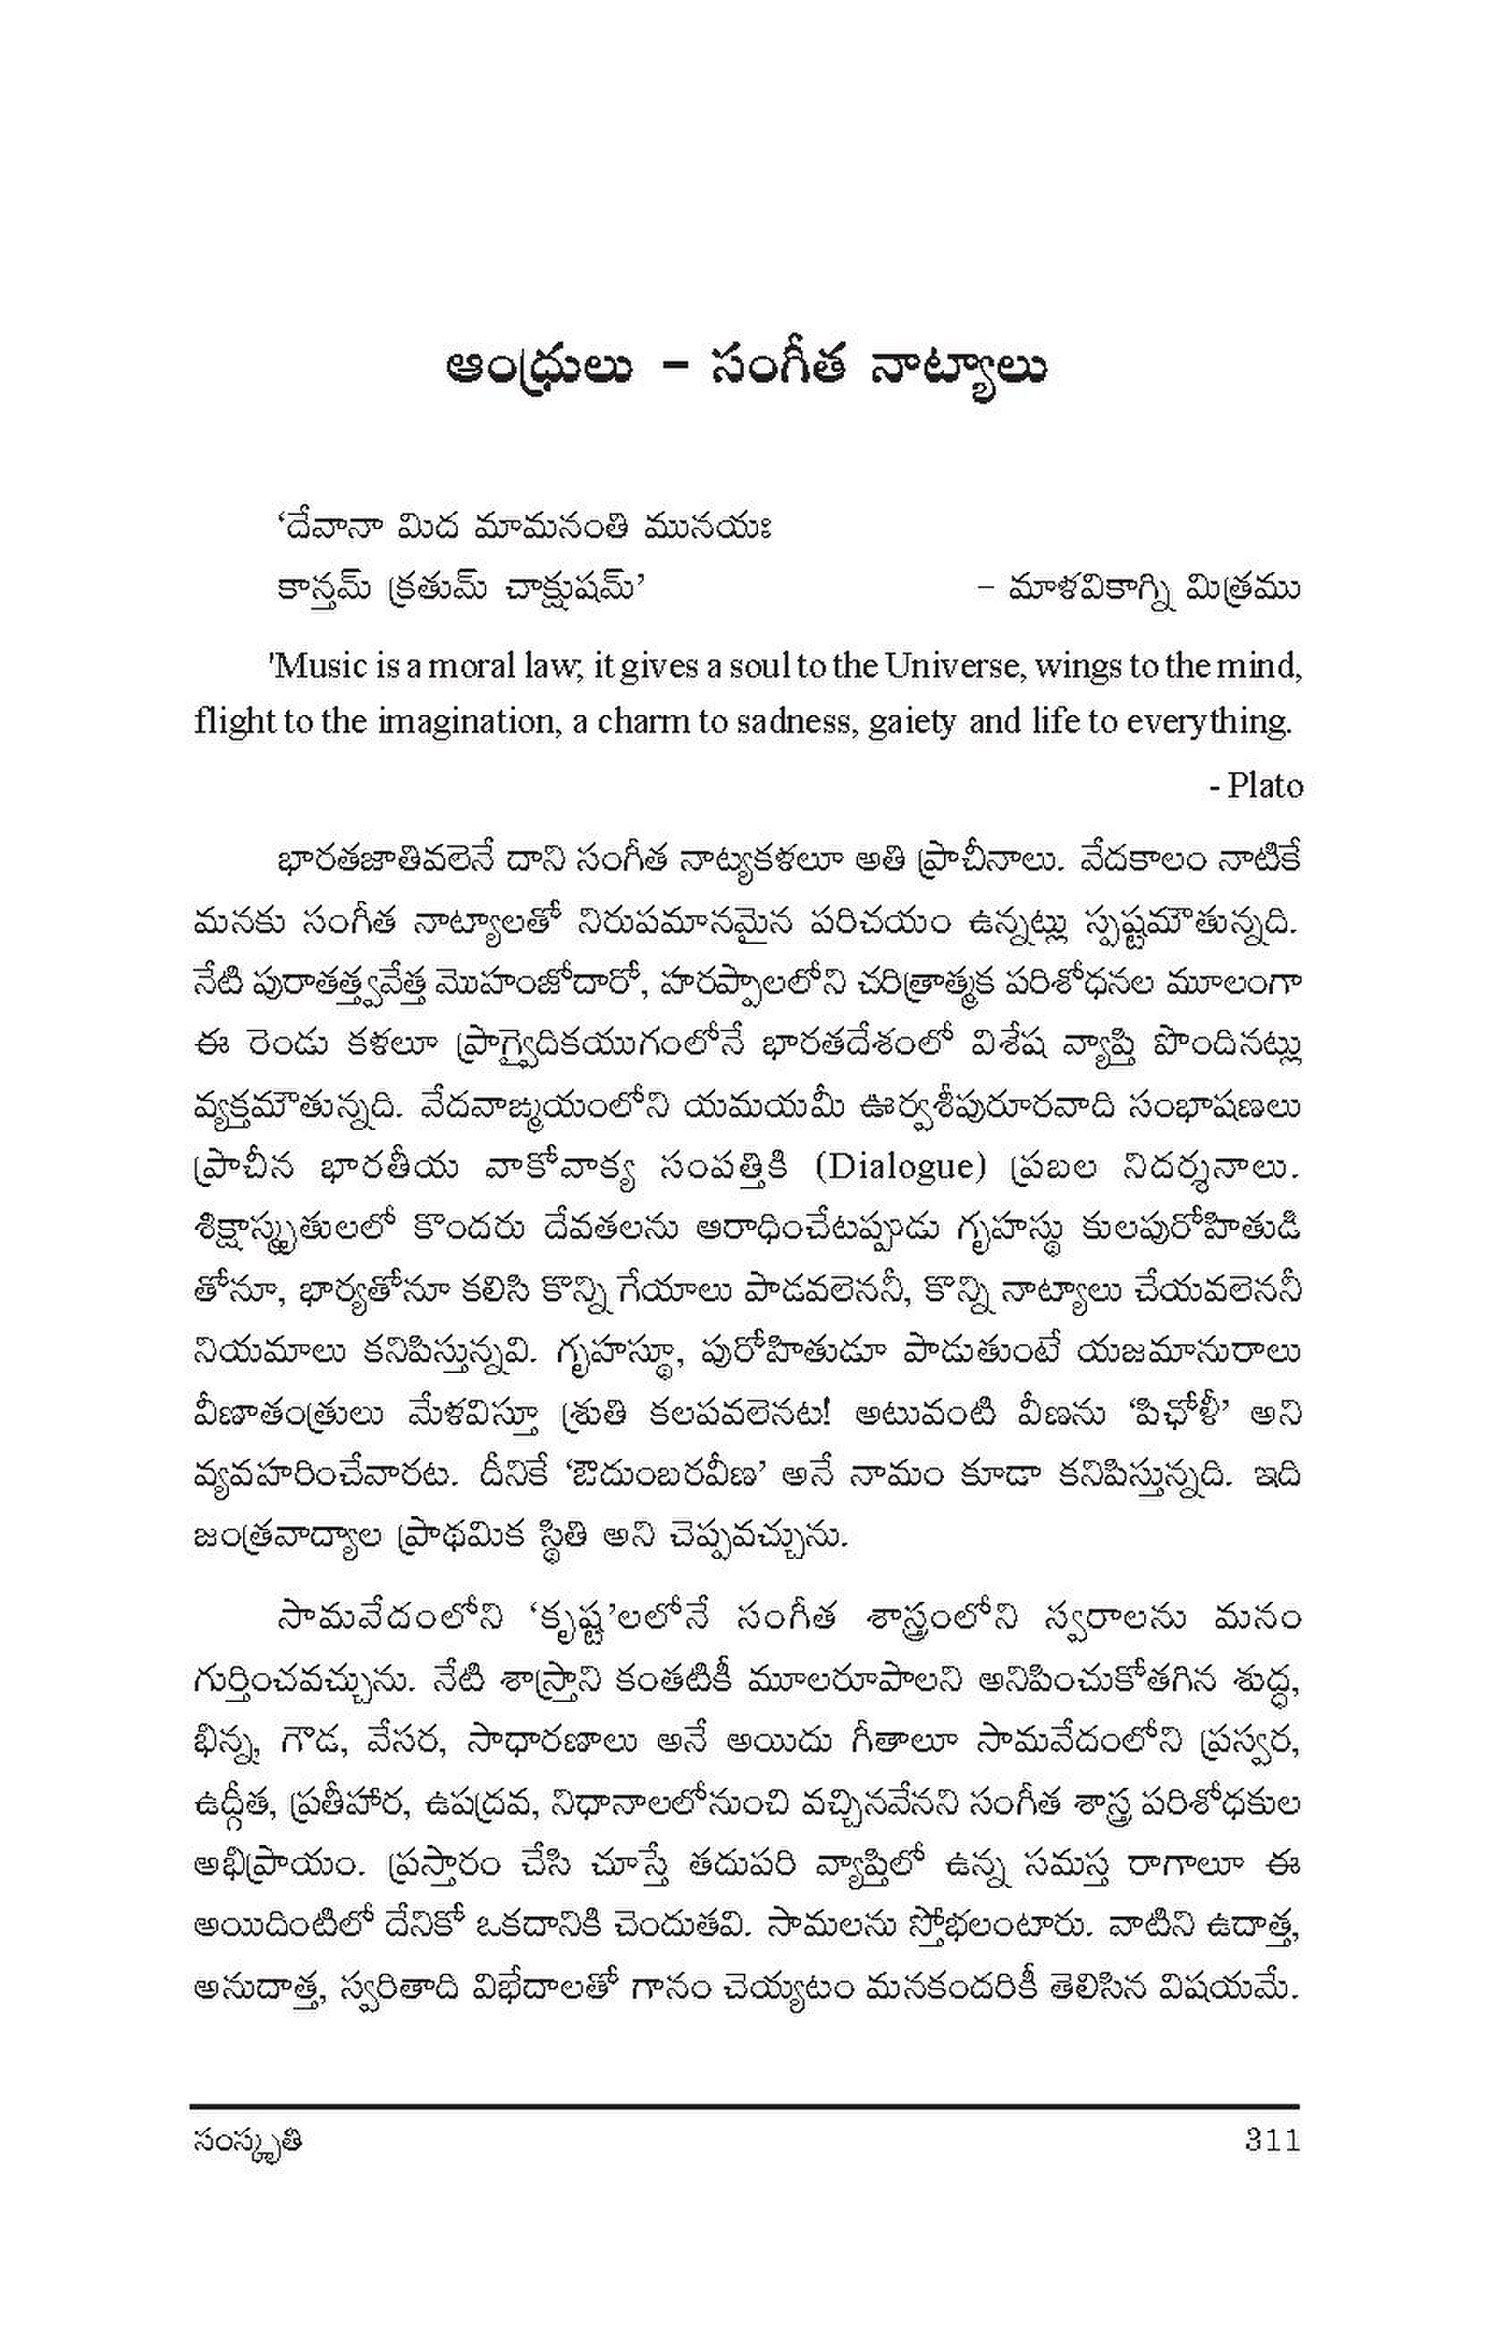ఆంధ్రులు - సంగీత నాట్యాలు

‘దేవానా మీద మామనంతి మునయః
కాన్తమ్ క్రతుమ్ చాక్షుషమ్'. - మాళవికాగ్ని మిత్రము

'Music is a moral law, it gives a soul to the Universe, wings to the mind,
flight to the imagination, a charm to sadness, gaiety and life to everything. - Plato

భారతజాతివలెనే దాని సంగీత నాట్యకళలూ అతి ప్రాచీనాలు. వేదకాలం నాటికే
మనకు సంగీత నాట్యాలతో నిరుపమానమైన పరిచయం ఉన్నట్లు స్పష్టమౌతున్నది.
నేటి పురాతత్త్వవేత్త మొహంజోదారో, హరప్పాలలోని చరిత్రాత్మక పరిశోధనల మూలంగా
ఈ రెండు కళలూ ప్రాగ్వైదికయుగంలోనే భారతదేశంలో విశేష వ్యాప్తి పొందినట్లు
వ్యక్తమౌతున్నది. వేదవాఙ్మయంలోని యమయమీ ఊర్వశీపురూరవాది సంభాషణలు
ప్రాచీన భారతీయ వాకోవాక్య సంపత్తికి (Dialogue) ప్రబల నిదర్శనాలు.
శిక్షాస్మృతులలో కొందరు దేవతలను ఆరాధించేటప్పుడు గృహస్థు కులపురోహితుడి
తోనూ, భార్యతోనూ కలిసి కొన్ని గేయాలు పాడవలెననీ, కొన్ని నాట్యాలు చేయవలెననీ
నియమాలు కనిపిస్తున్నవి. గృహస్థూ, పురోహితుడూ పాడుతుంటే యజమానురాలు
వీణాతంత్రులు మేళవిస్తూ శ్రుతి కలపవలెనట! అటువంటి వీణను 'పిచోళీ' అని
వ్యవహరించేవారట. దీనికే 'ఔదుంబరవీణ' అనే నామం కూడా కనిపిస్తున్నది. ఇది
జంత్రవాద్యాల ప్రాథమిక స్థితి అని చెప్పవచ్చును.

సామవేదంలోని 'కృష్ణ'లలోనే సంగీత శాస్త్రంలోని స్వరాలను మనం
గుర్తించవచ్చును. నేటి శాస్త్రాని కంతటికీ మూలరూపాలని అనిపించుకోతగిన శుద్ధ,
భిన్న, గౌడ, వేసర, సాధారణాలు అనే అయిదు గీతాలూ సామవేదంలోని ప్రస్వర,
ఉద్గీత, ప్రతీహార, ఉపద్రవ, నిధానాలలో నుంచి వచ్చినవేనని సంగీత శాస్త్ర పరిశోధకుల
అభిప్రాయం. ప్రస్తారం చేసి చూస్తే తదుపరి వ్యాప్తిలో ఉన్న సమస్త రాగాలూ ఈ
అయిదింటిలో దేనికో ఒకదానికి చెందుతవి. సామలను స్తోభలంటారు. వాటిని ఉదాత్త,
అనుదాత్త, స్వరితాది విభేదాలతో గానం చెయ్యటం మనకందరికీ తెలిసిన విషయమే.